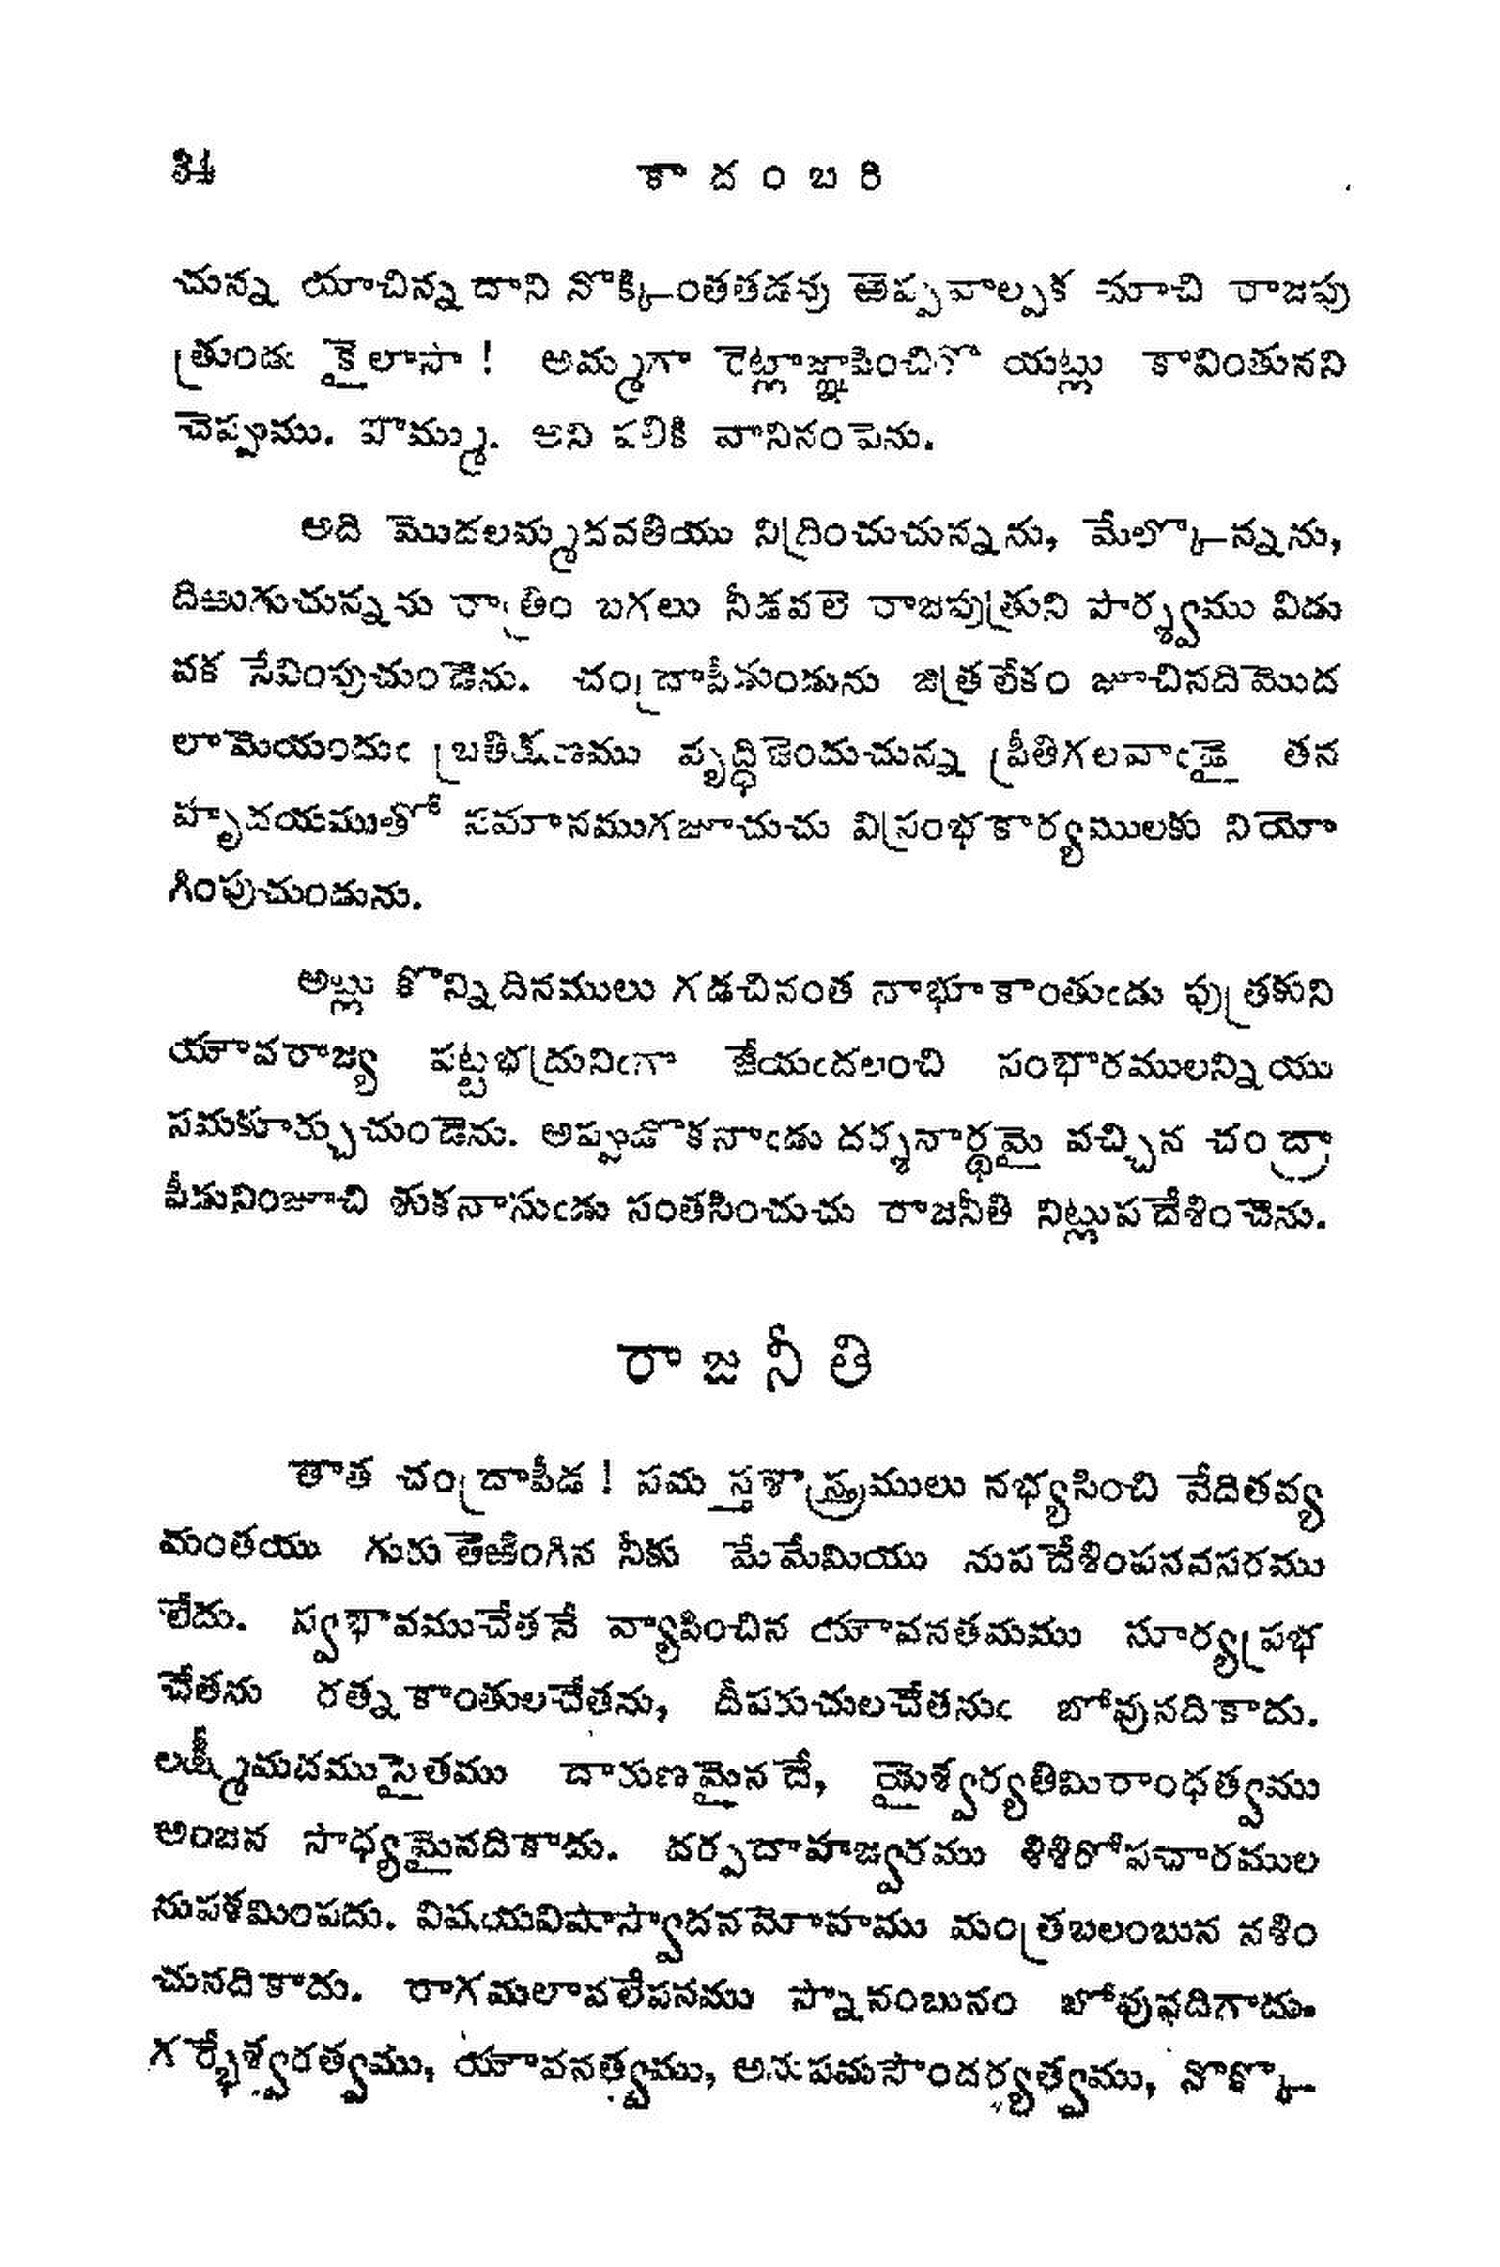చున్న యాచిన్న దాని నొక్కింతతడవు ఱెప్పవాల్పక చూచి రాజపుత్రుండు కైలాసా! అమ్మగా రెట్లాజ్ఞాపించిరొ యట్లు కావింతునని చెప్పుము. పొమ్ము. అని పలికి వానినంపెను.

అది మొదలమ్మదవతియు నిద్రించుచున్నను, మేల్కొన్నను, దిఱుగుచున్నను రాత్రిం బగలు నీడవలె రాజపుత్రుని పార్శ్వము విడువక సేవింపుచుండెను. చంద్రాపీడుండును జిత్రలేకం జూచినదిమొదలామెయందుఁ బ్రతిక్షణము వృద్ధిజెందుచున్న ప్రీతిగలవాఁడై తన హృదయముతో సమానముగజూచుచు విస్రంభకార్యములకు నియోగింపుచుండును.

అట్లు కొన్నిదినములు గడచినంత నాభూ కాంతుఁడు పుత్రకుని యౌవరాజ్య పట్టభద్రునిఁగా జేయఁదలంచి సంబారములన్నియు సమకూర్చుచుండెను. అప్పుడొకనాఁడు దర్శనార్థమై వచ్చిన చంద్రాపీడునింజూచి శుకనాసుఁడు సంతసించుచు రాజనీతి నిట్లుపదేశించెను.

రాజనీతి

తాత చంద్రాపీడ! సమస్తశాస్త్రములు నభ్యసించి వేదితవ్య మంతయు గురుతెఱింగిన నీకు మేమేమియు నుపదేశింపనవసరము లేదు. స్వభావముచేతనే వ్యాపించిన యౌవనతమము సూర్యప్రభచేతను రత్నకాంతులచేతను, దీపరుచులచేతనుఁ బోవునదికాదు. లక్ష్మీమదముసైతము దారుణమైనదే, యైశ్వర్యతిమిరాంధత్వము అంజన సాధ్యమైనదికాదు. దర్పదాహజ్వరము శిశిరోపచారముల నుపశమింపదు. విషయవిషాస్వాదనమోహము మంత్రబలంబున నశించునదికాదు. రాగమలావలేపనము స్నానంబునం బోవునదిగాదు. గర్భేశ్వరత్వము, యౌవనత్వము, అనుపమసౌందర్యత్వము, నొక్కొ